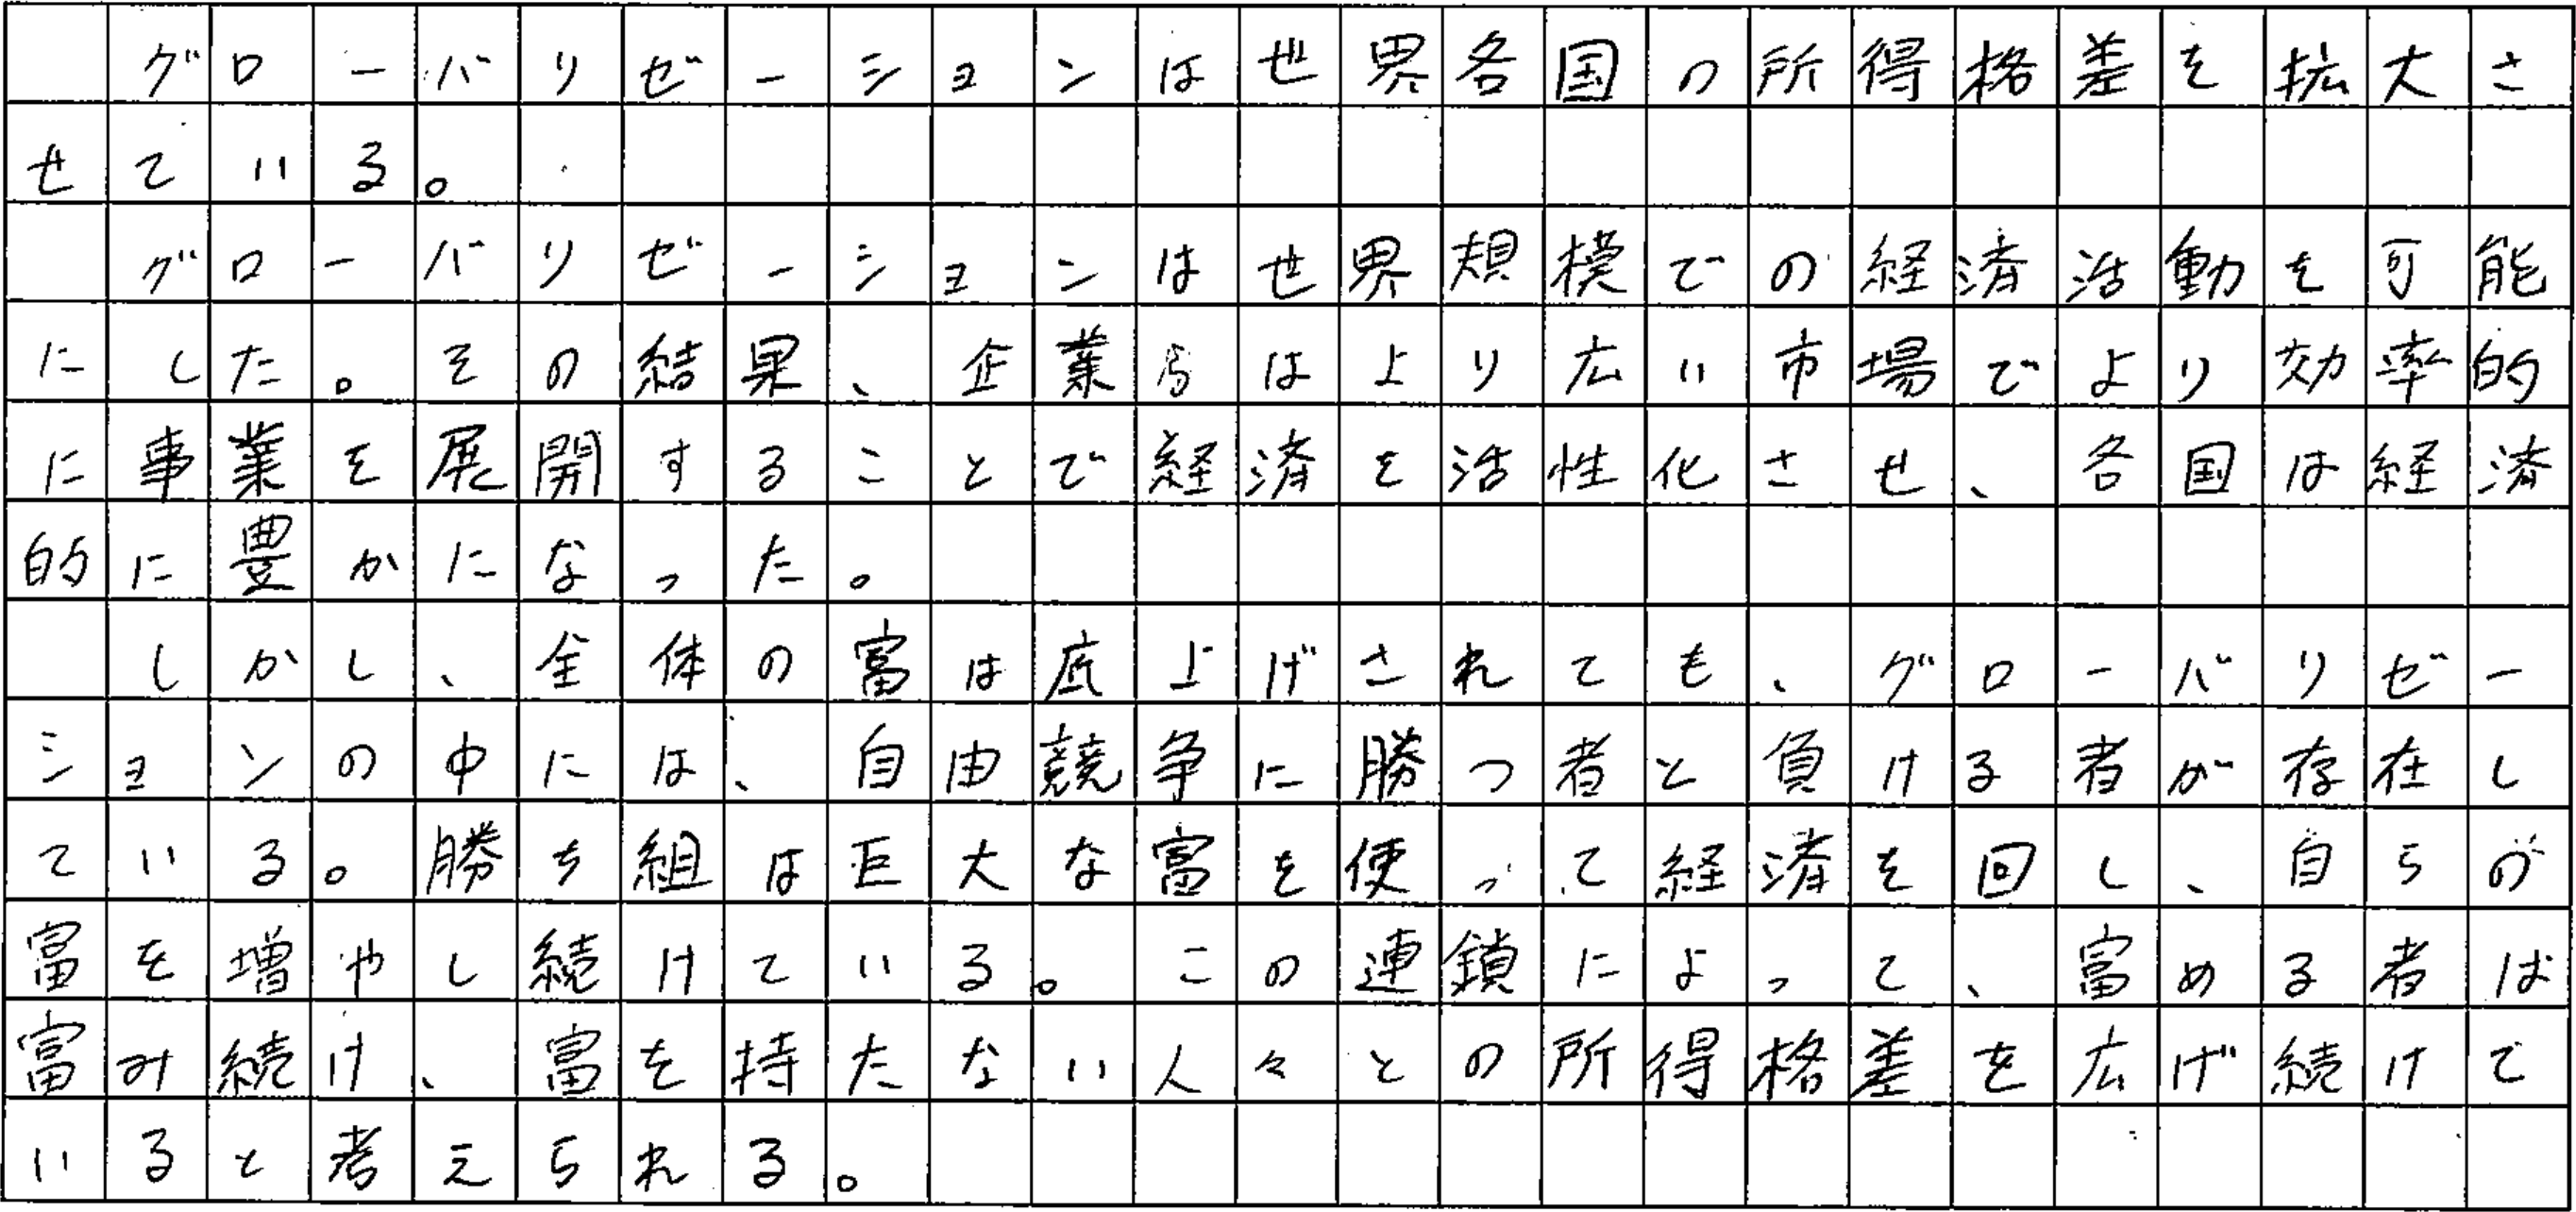　グローバリゼーションは世界各国の所得格差を拡大させている。
　グローバリゼーションは世界規模での経済活動を可能にした。その結果、企業らはより広い市場でより効率的に事業を展開することで経済を活性化させ、各国は経済的に豊かになった。
　しかし、全体の富は底上げされても、グローバリゼーションの中には、自由競争に勝つ者と負ける者が存在している。勝ち組は巨大な富を使って経済を回し、自らの富を増やし続けている。この連鎖によって、富める者は富み続け、富を持たない人々との所得格差を広げ続けていると考えられる。
